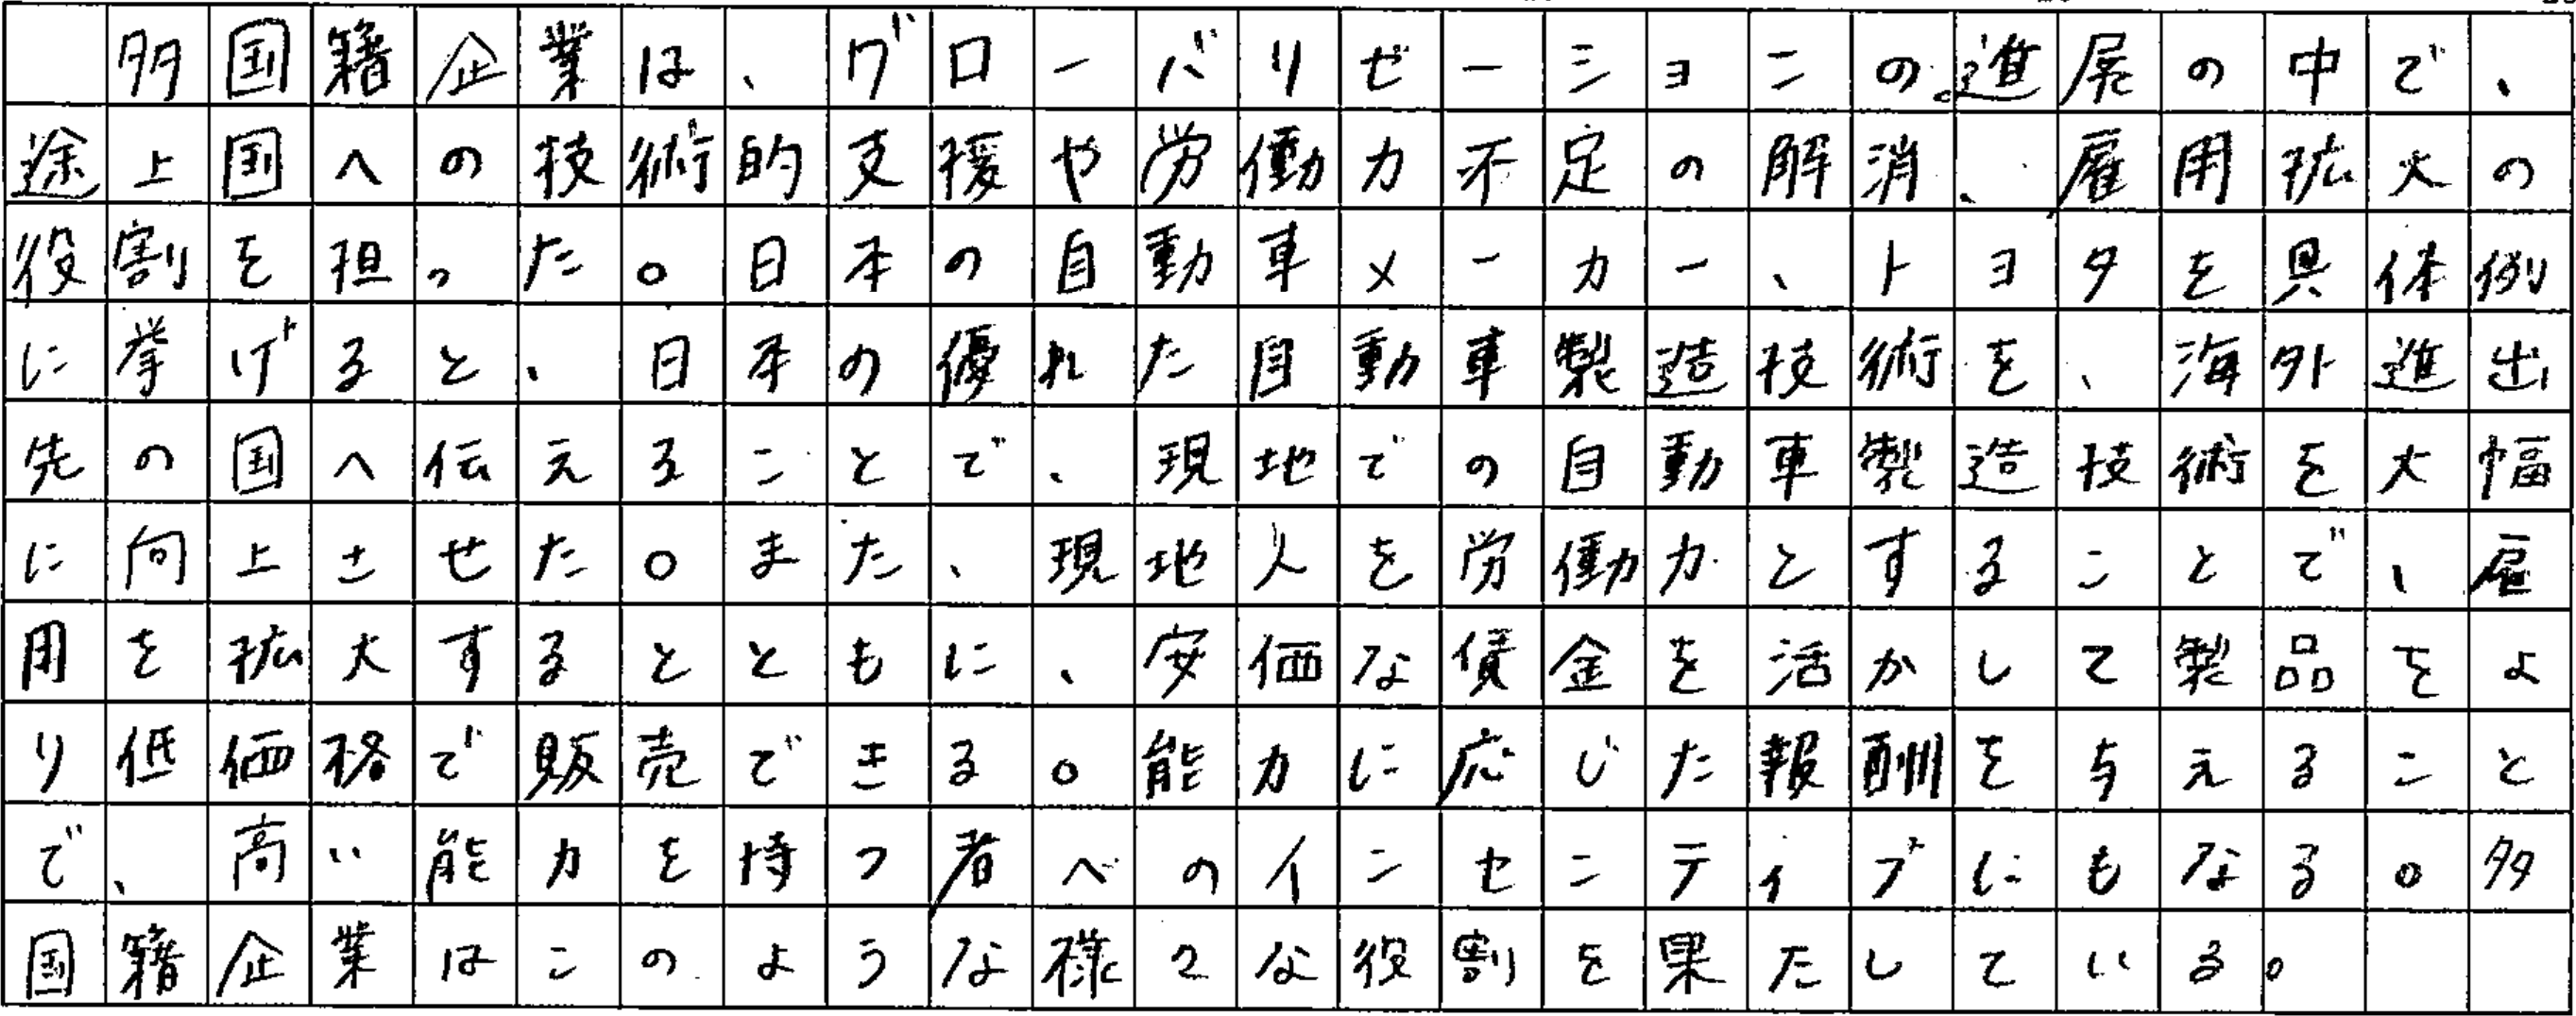　多国籍企業は、グローバリゼーションの進展の中で、途上国への技術的支援や労働不足の解消、雇用拡大の役割を担った。日本の自動車メーカー、トヨタを具体例に挙げると、日本の優れた自動車製造技術を、海外進出先の国へ伝えることで、現地での自動車製造技術を大幅に向上させた。また、現地人を労働力とすることで、雇用を拡大するとともに、安価な賃金を活かして製品をより低価格で販売できる。能力に応じた報酬を与えることで、高い能力を持つ者へのインセンティブにもなる。多国籍企業はこのような様々な役割を果たしている。
